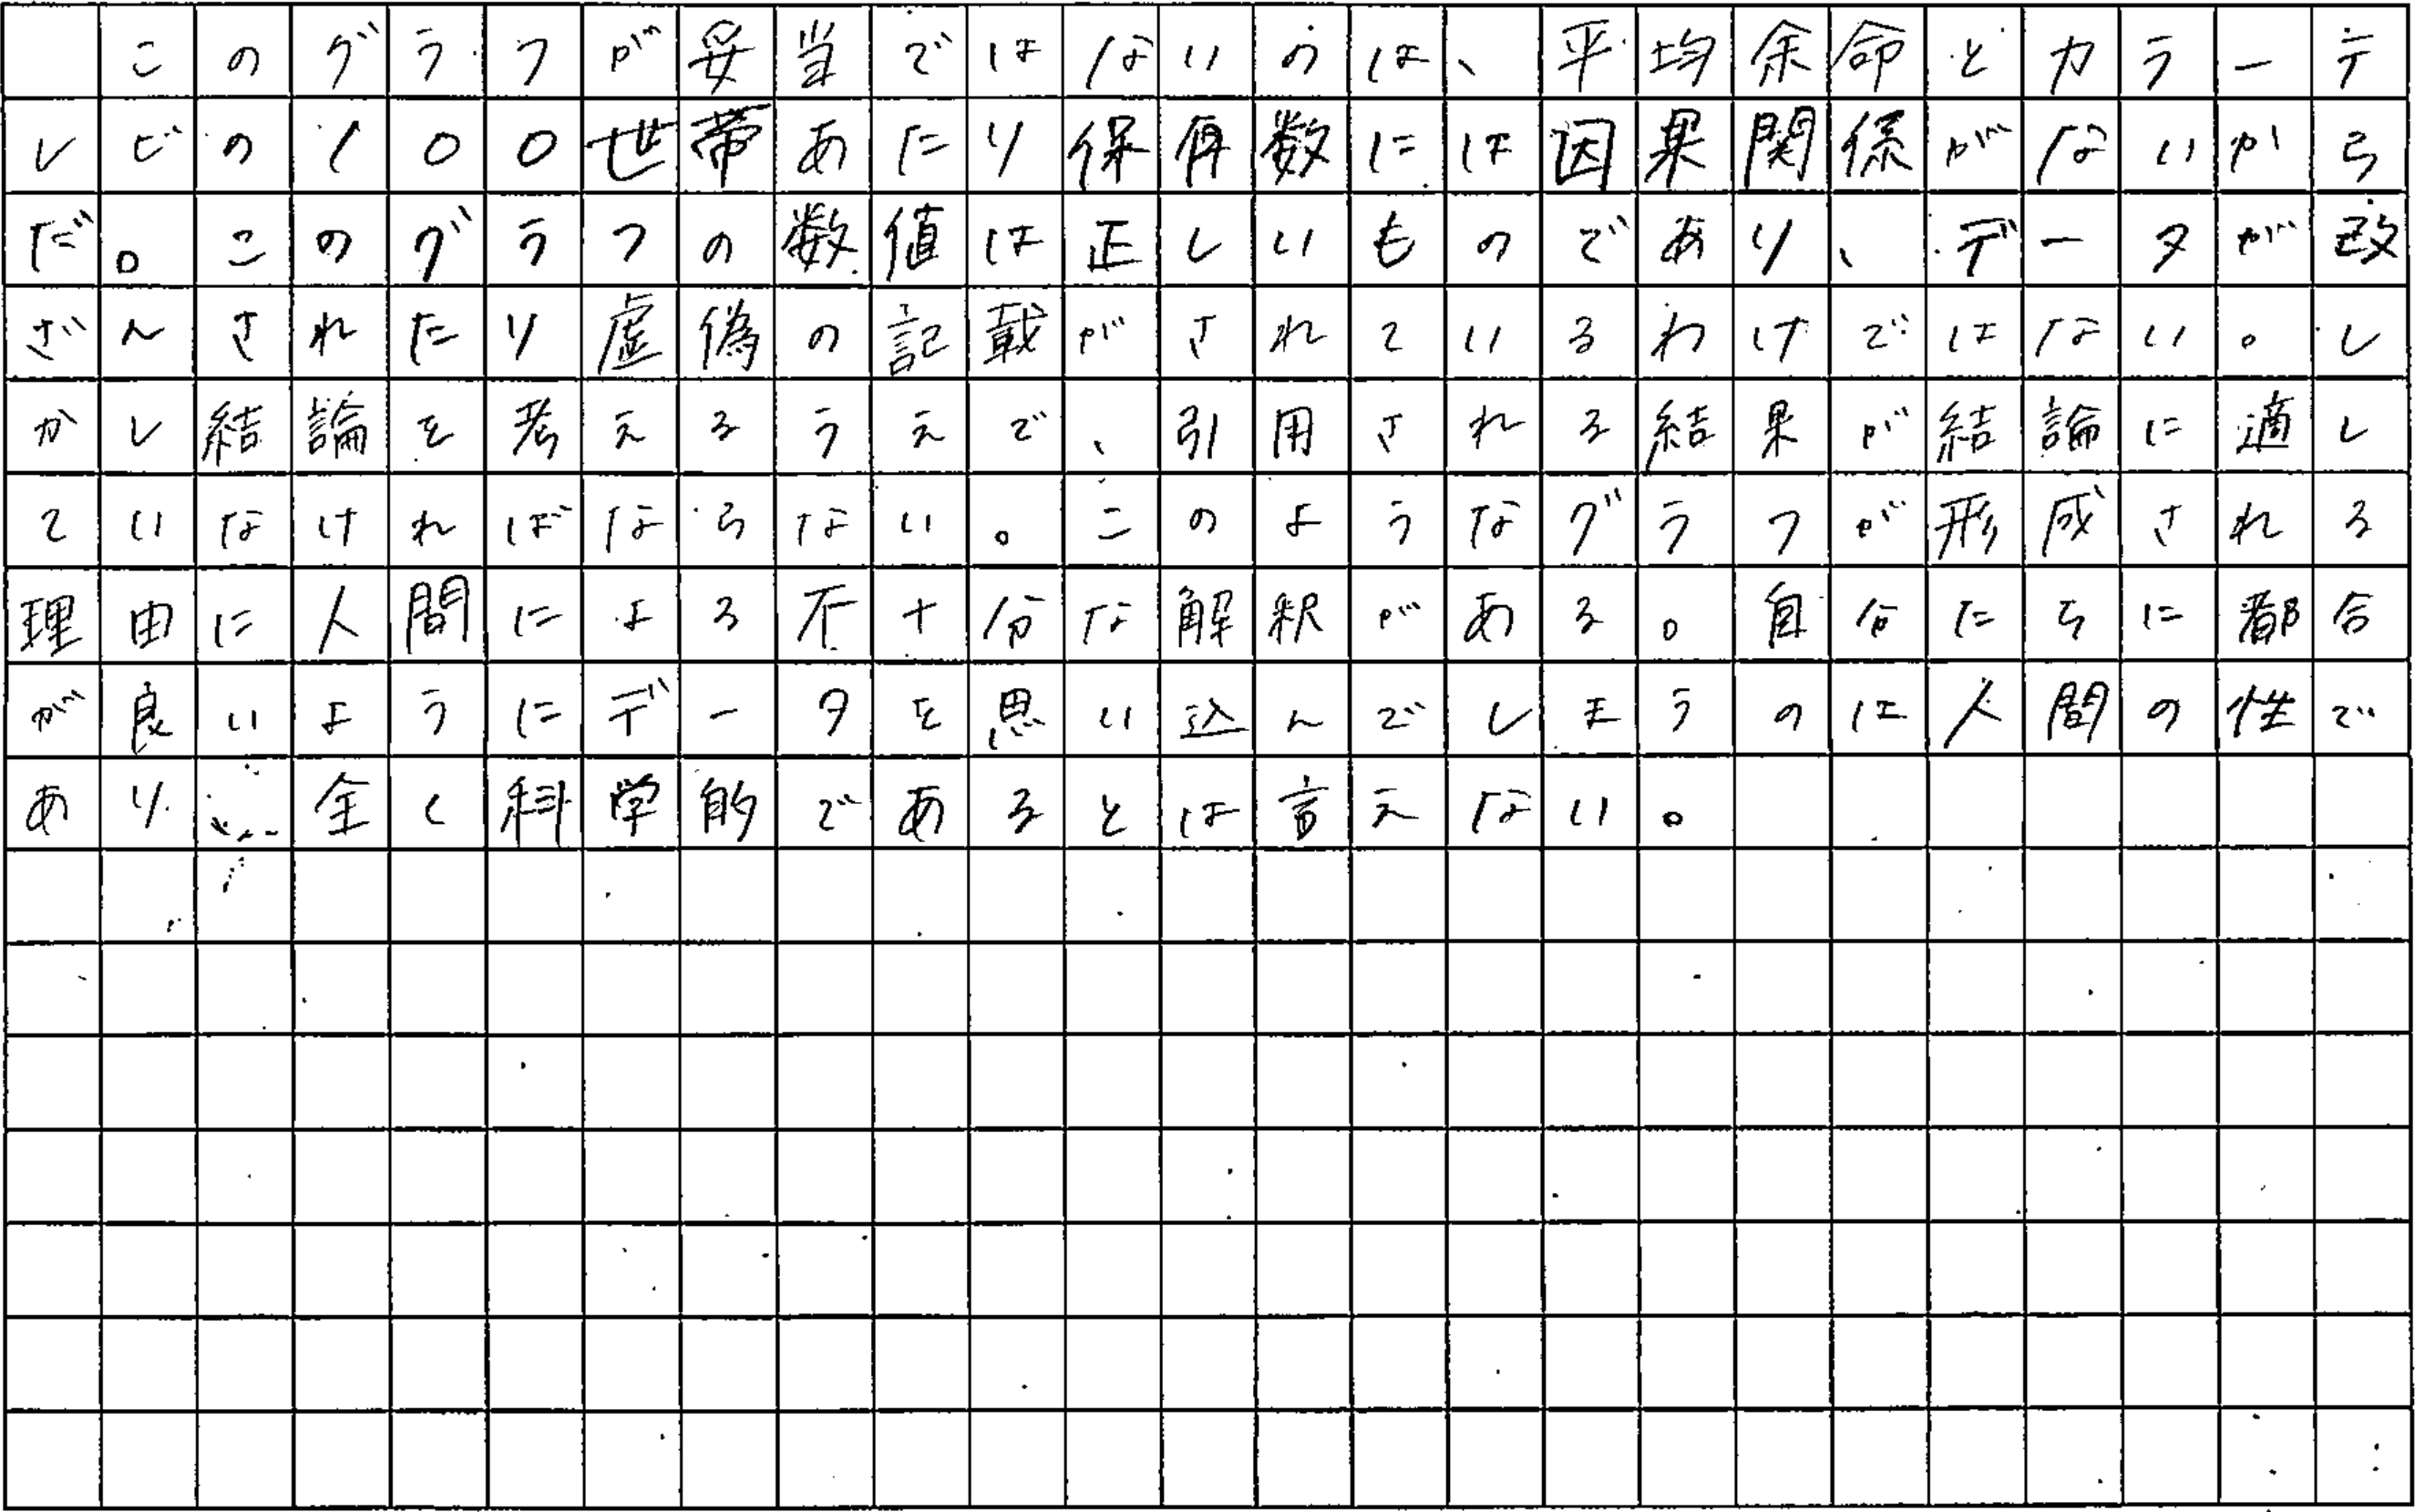　このグラフが妥当ではないのは、平均余命とカラーテレビの１００世帯あたり保有数には因果関係がないからだ。このグラフの数値は正しいものであり、データが改ざんされたり虚偽の記載がされているわけではない。しかし結論を考えるうえで、引用される結果が結論に適していなければならない。このようなグラフが形成される理由に人間による不十分な解釈がある。自分たちに都合が良いようにデータを思い込んでしまうのは人間の性であり、全く科学的であるとは言えない。
